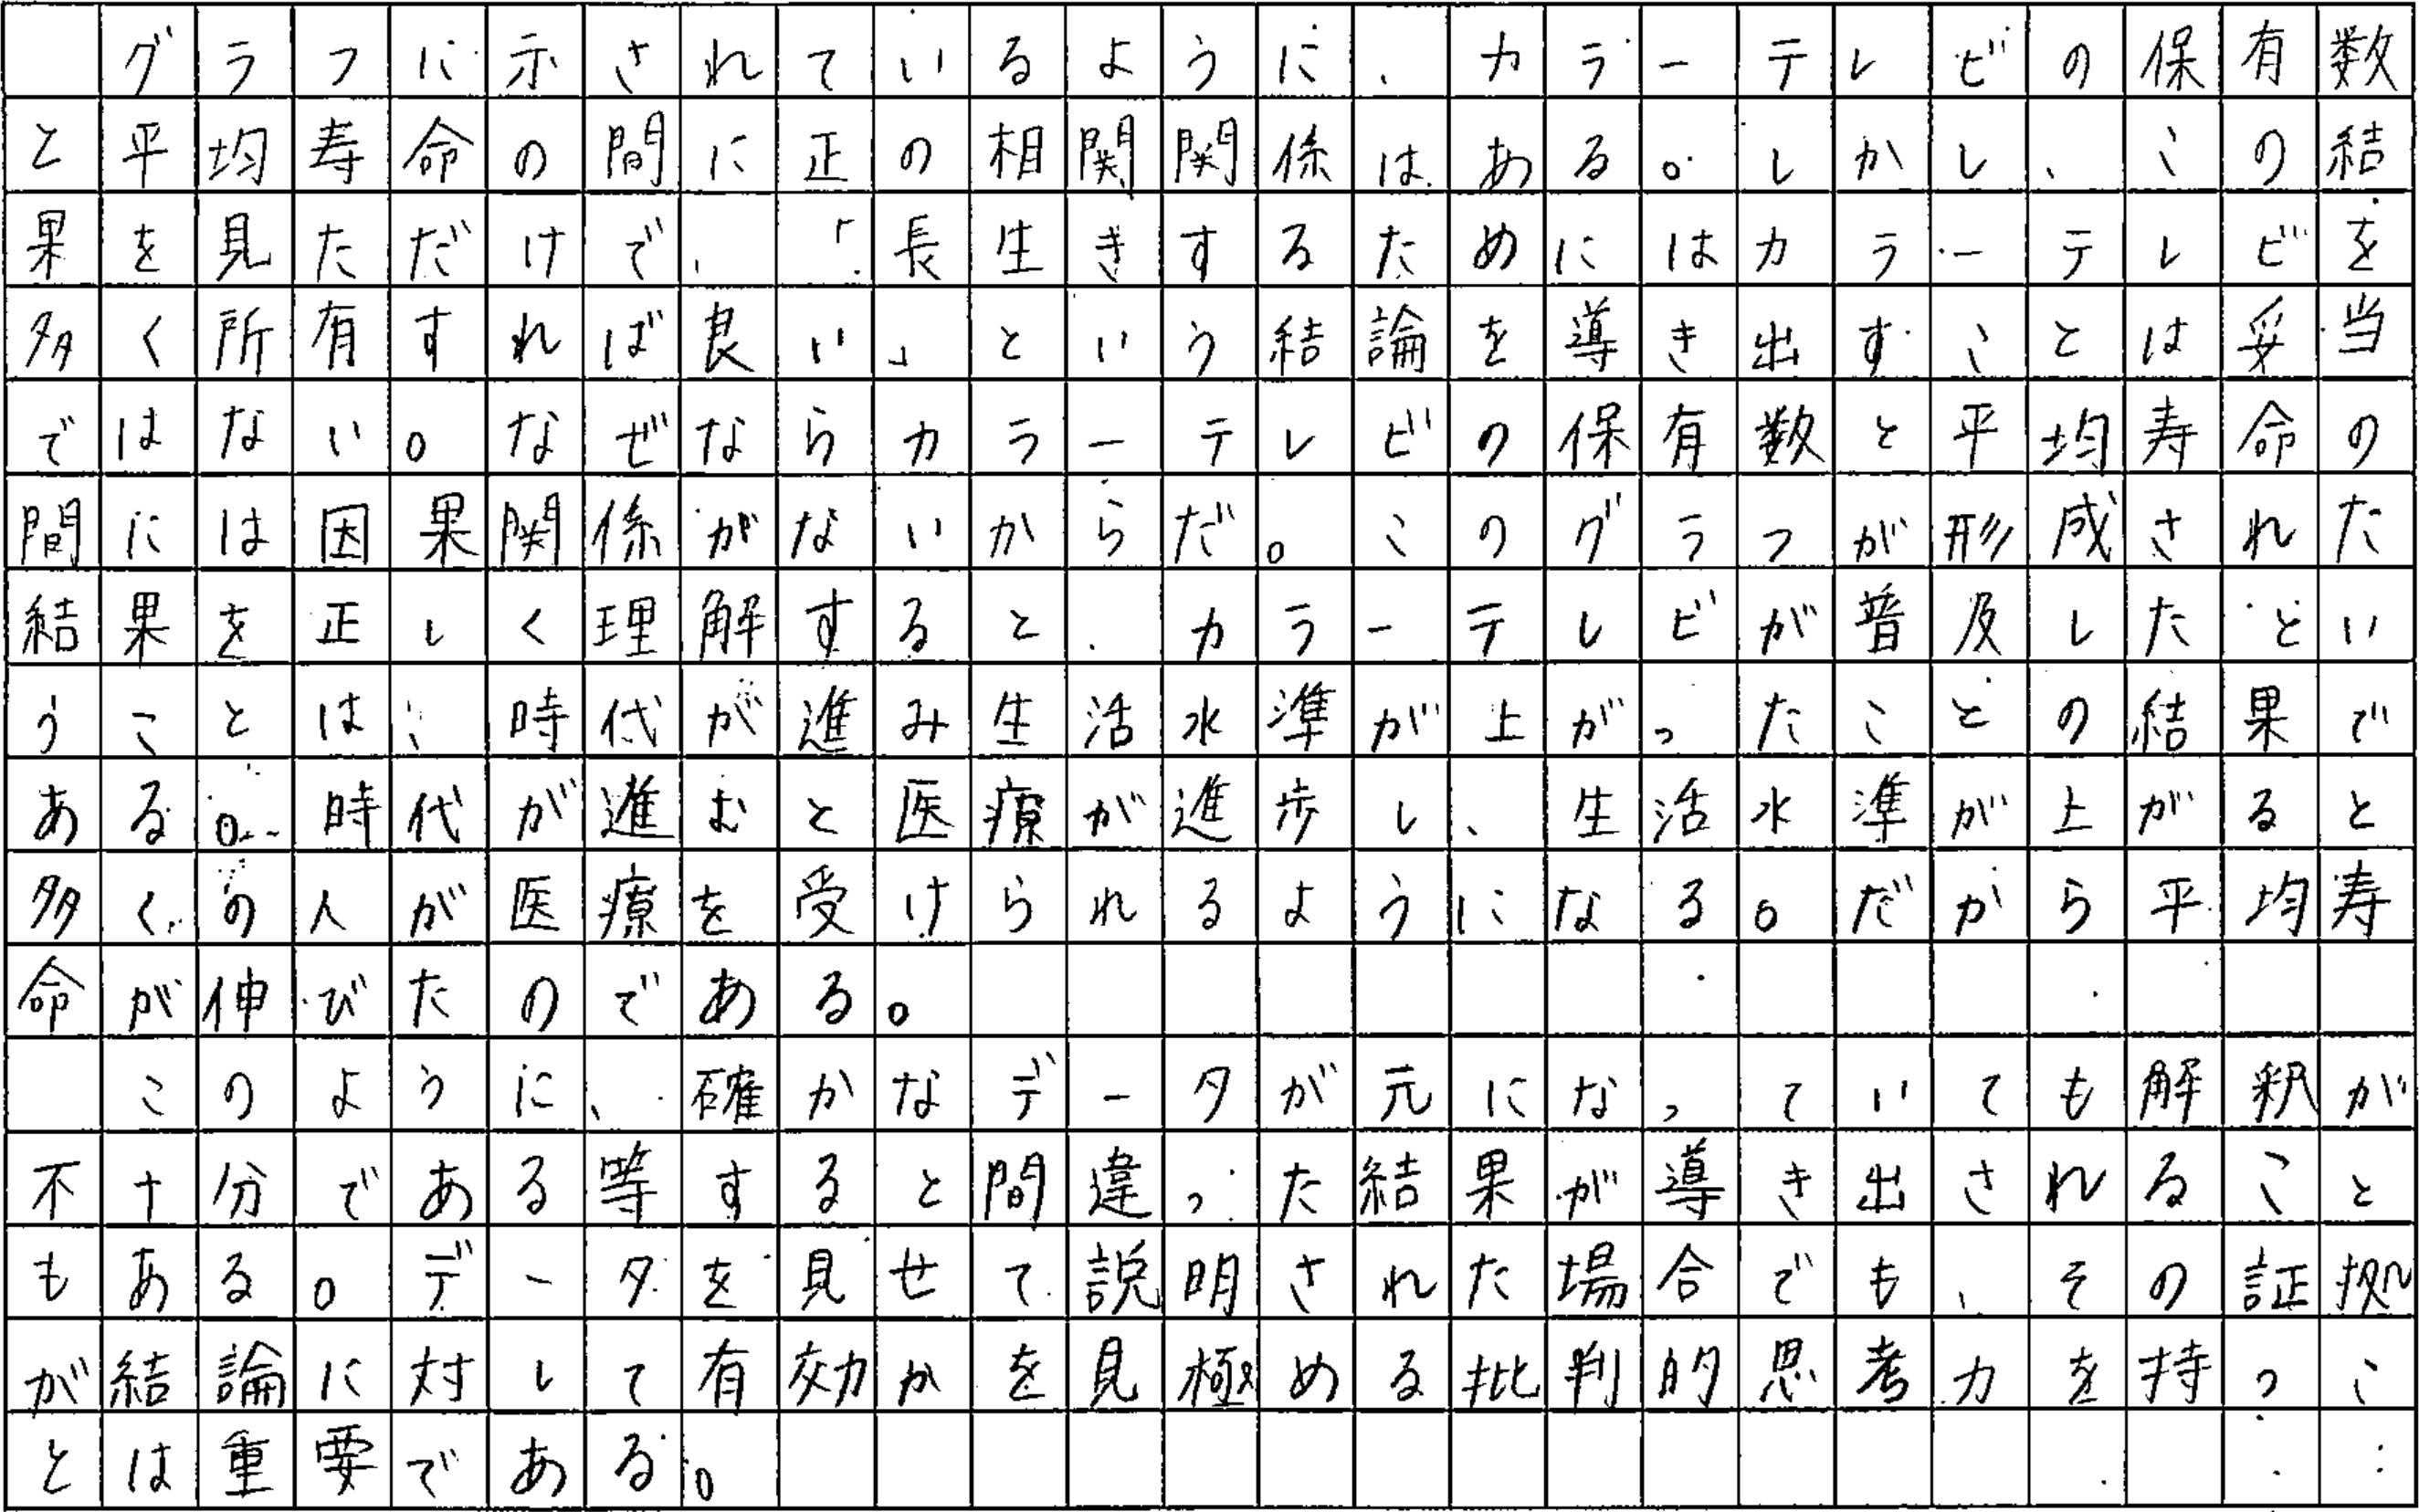　グラフに示されているように、カラーテレビの保有数と平均寿命の間に正の相関関係はある。しかし、この結果を見ただけで、「長生きするためにはカラーテレビを多く所有すれば良い」という結論を導き出すことは妥当ではない。なぜならカラーテレビの保有数と平均寿命の間には因果関係がないからだ。このグラフが形成された結果を正しく理解すると、カラーテレビが普及したということは、時代が進み生活水準が上がったことの結果である。時代が進むと医療が進歩し、生活水準が上がると多くの人が医療を受けられるようになる。だから平均寿命が伸びたのである。
　このように、確かなデータが元になっていても解釈が不十分である等すると間違った結果が導き出されることもある。データを見せて説明された場合でも、その証拠が結論に対して有効かを見極める批判的思考力を持つことは重要である。
